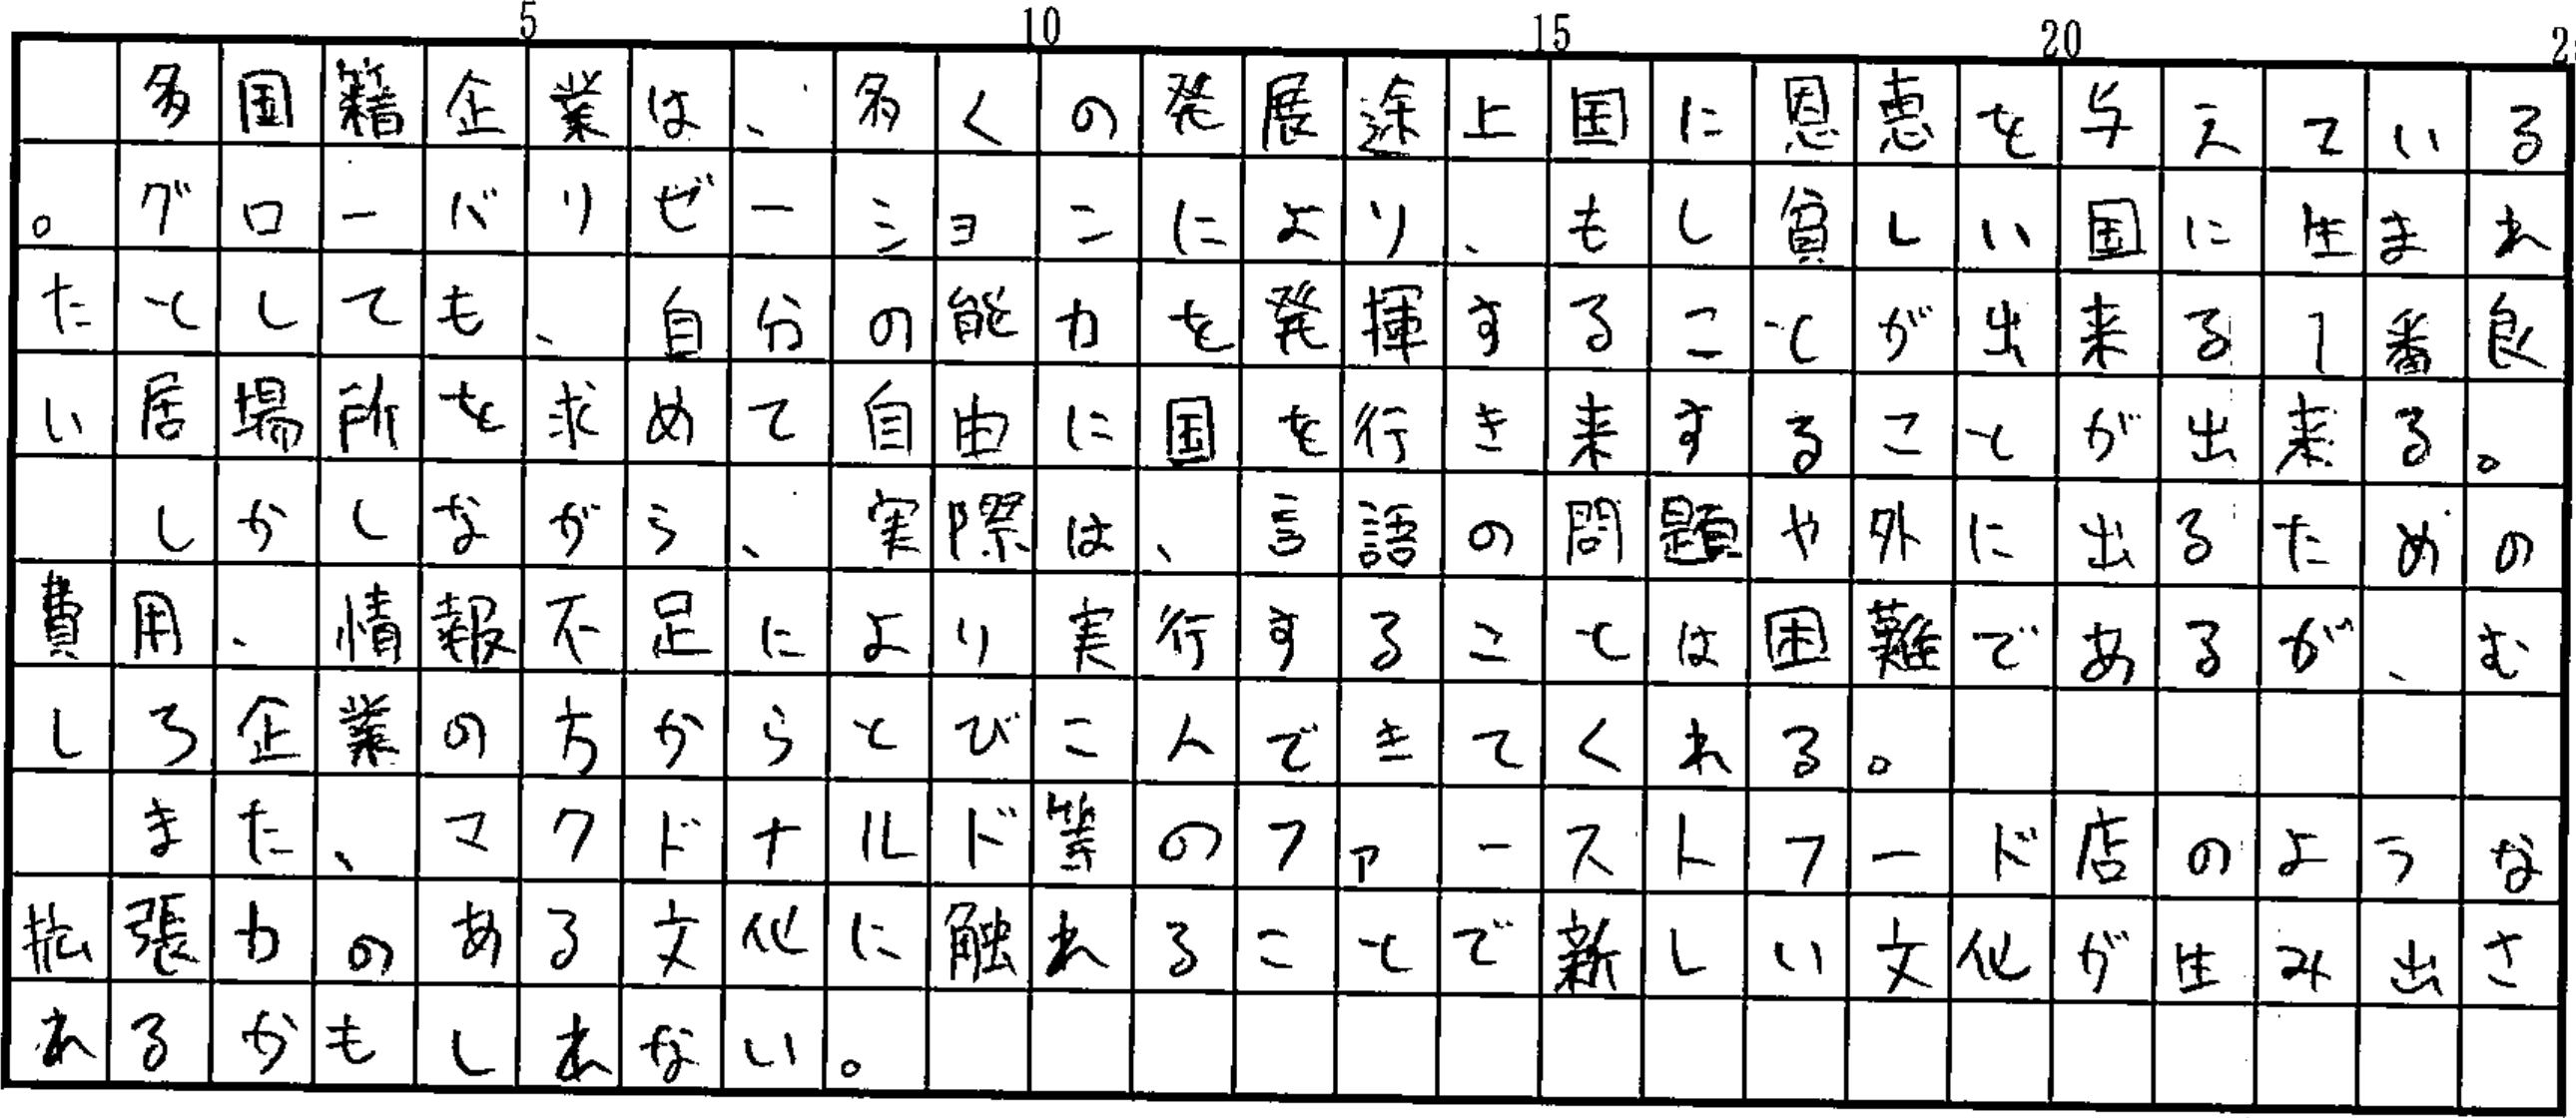　多国籍企業は、多くの発展途上国に恩恵を与えている。グローバリゼーションにより、もし貧しい国に生まれたとしても、自分の能力を発揮することが出来る１番良い居場所を求めて自由に国を行き来することが出来る。
　しかしながら、実際は、言語の問題や外に出るための費用、情報不足により実行することは困難であるが、むしろ企業の方からとびこんできてくれる。
　また、マクドナルド等のファーストフード店のような拡張力のある文化に触れることで新しい文化が生み出されるかもしれない。
